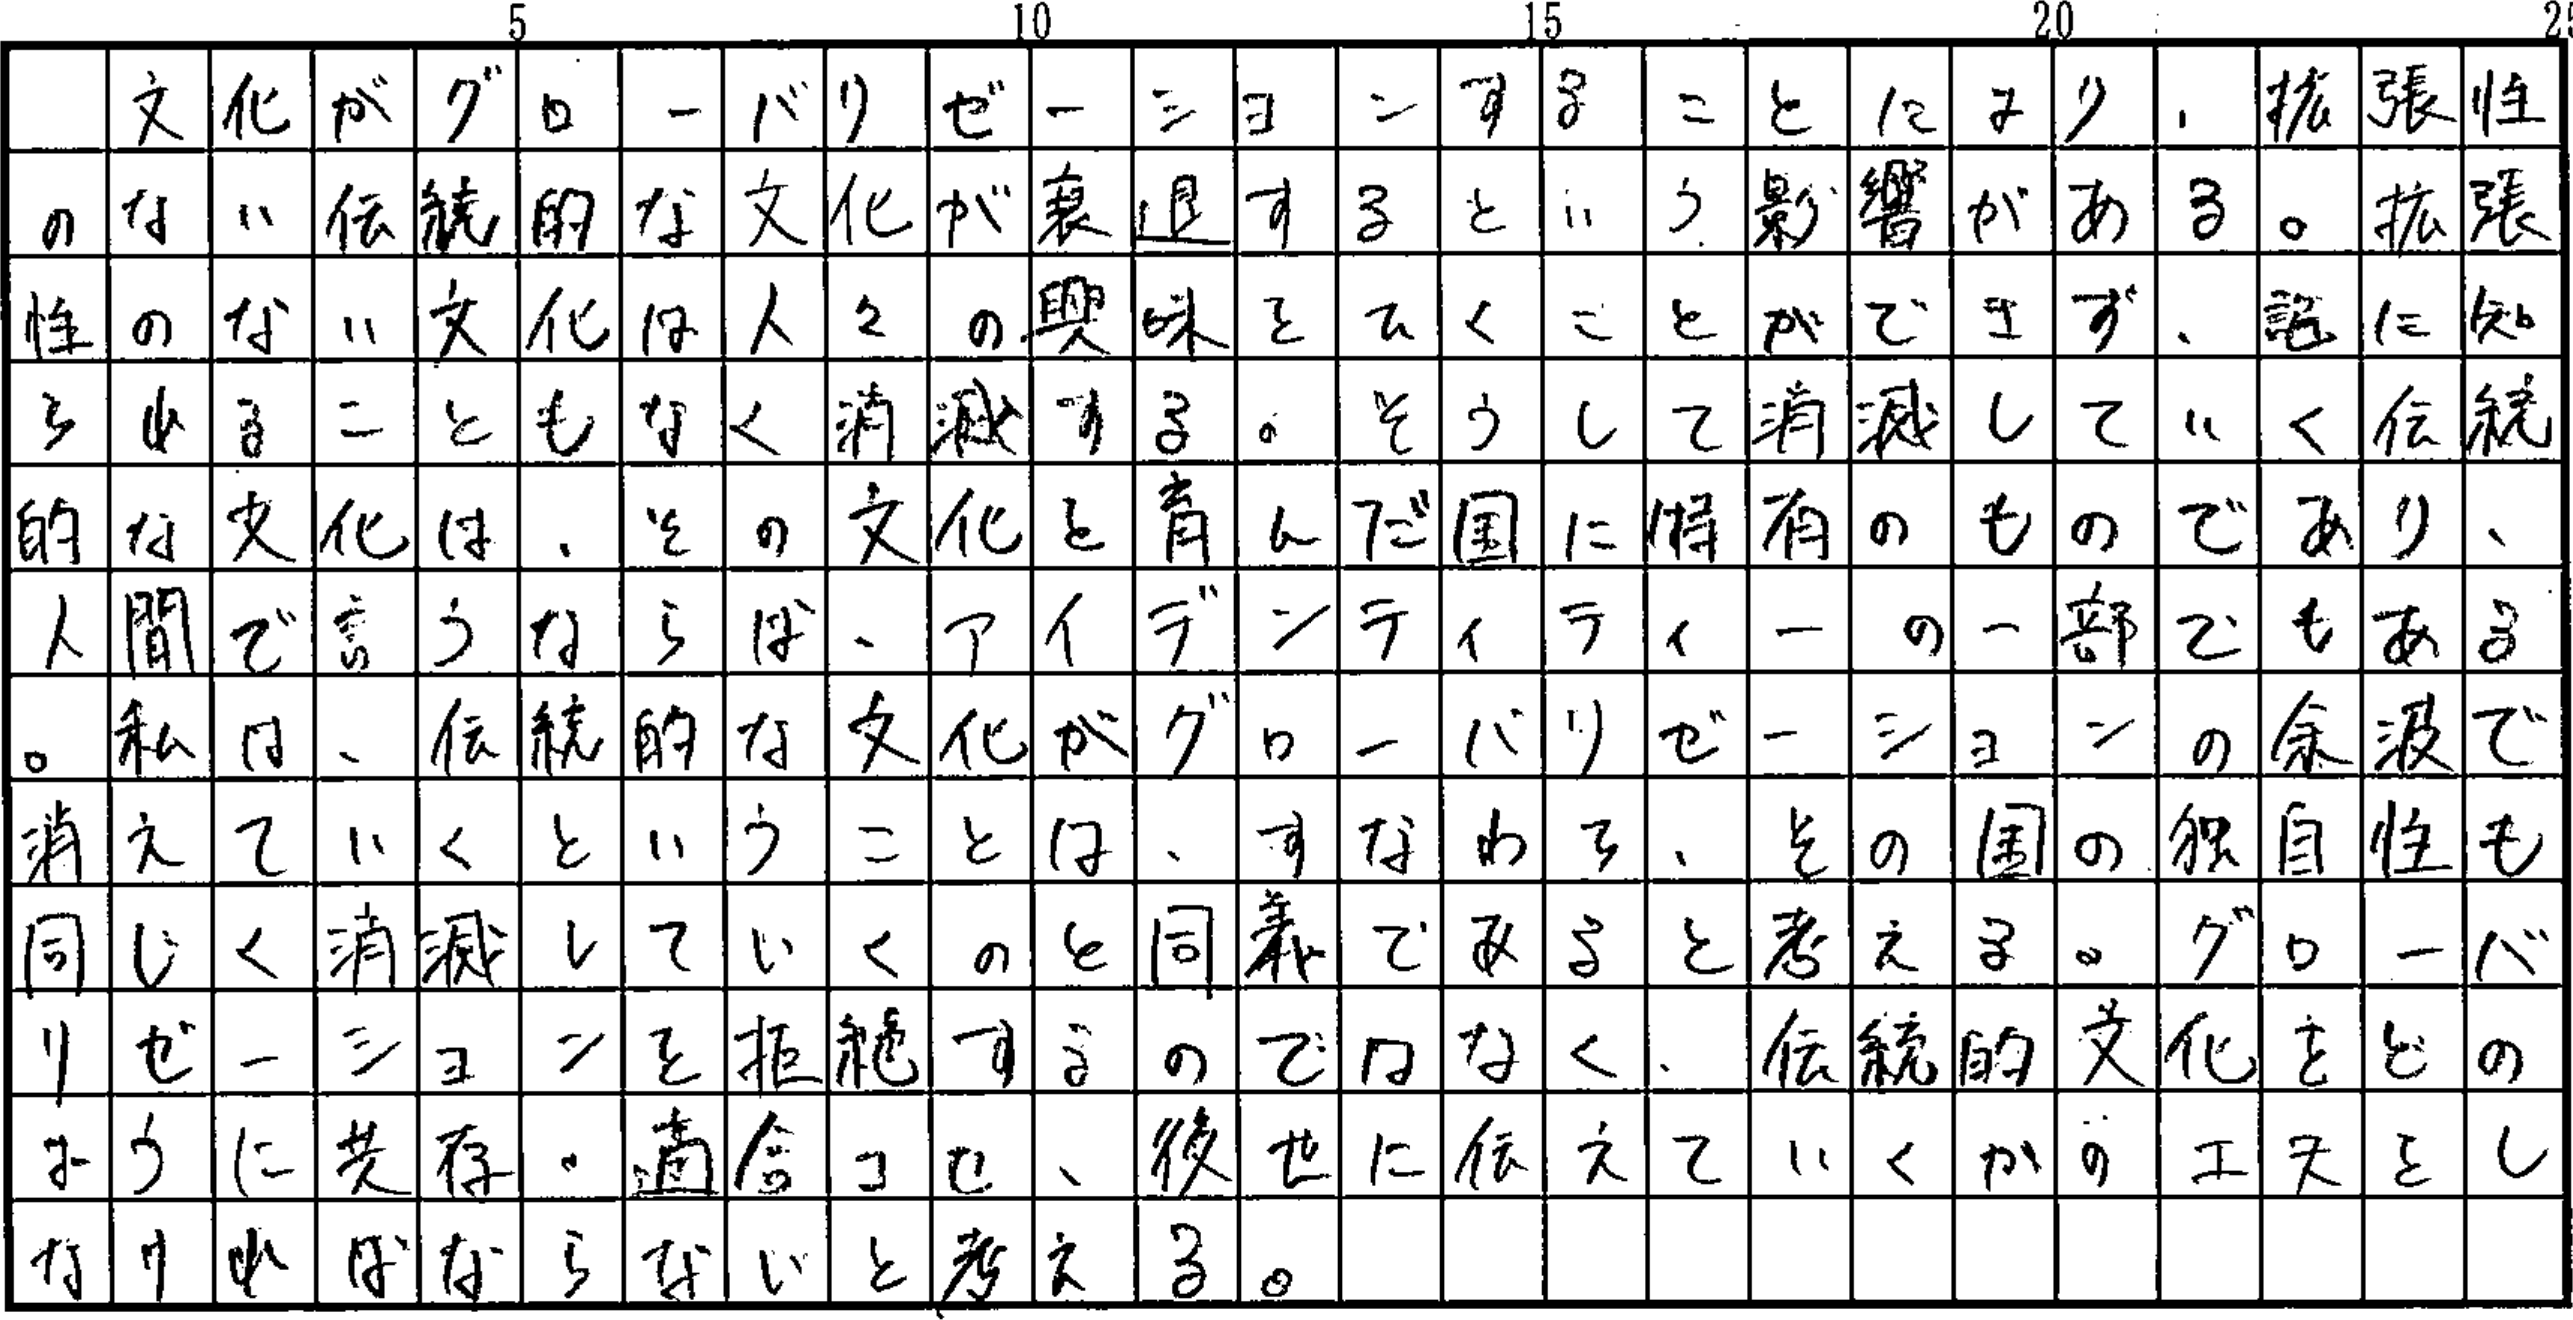　文化がグローバリゼーションすることにより、拡張性のない伝統的な文化が衰退するという影響がある。拡張性のない文化は人々の興味をひくことができず、▁に知られることもなく消滅する。そうして消滅していく伝統的な文化は、その文化を育んだ国に特有のものであり、人間で言うならば、アイデンティティーの一部でもある。私は、伝統的な文化がグローバリゼーションの余波で消えていくということには、すなわち、その国の独自性も同じく消滅していくのと同義であると考える。グローバリゼーションを拒絶するのではなく、伝統的文化をどのように共存・適合させ、後世に伝えていくかの工夫をしなければならないと考える。
